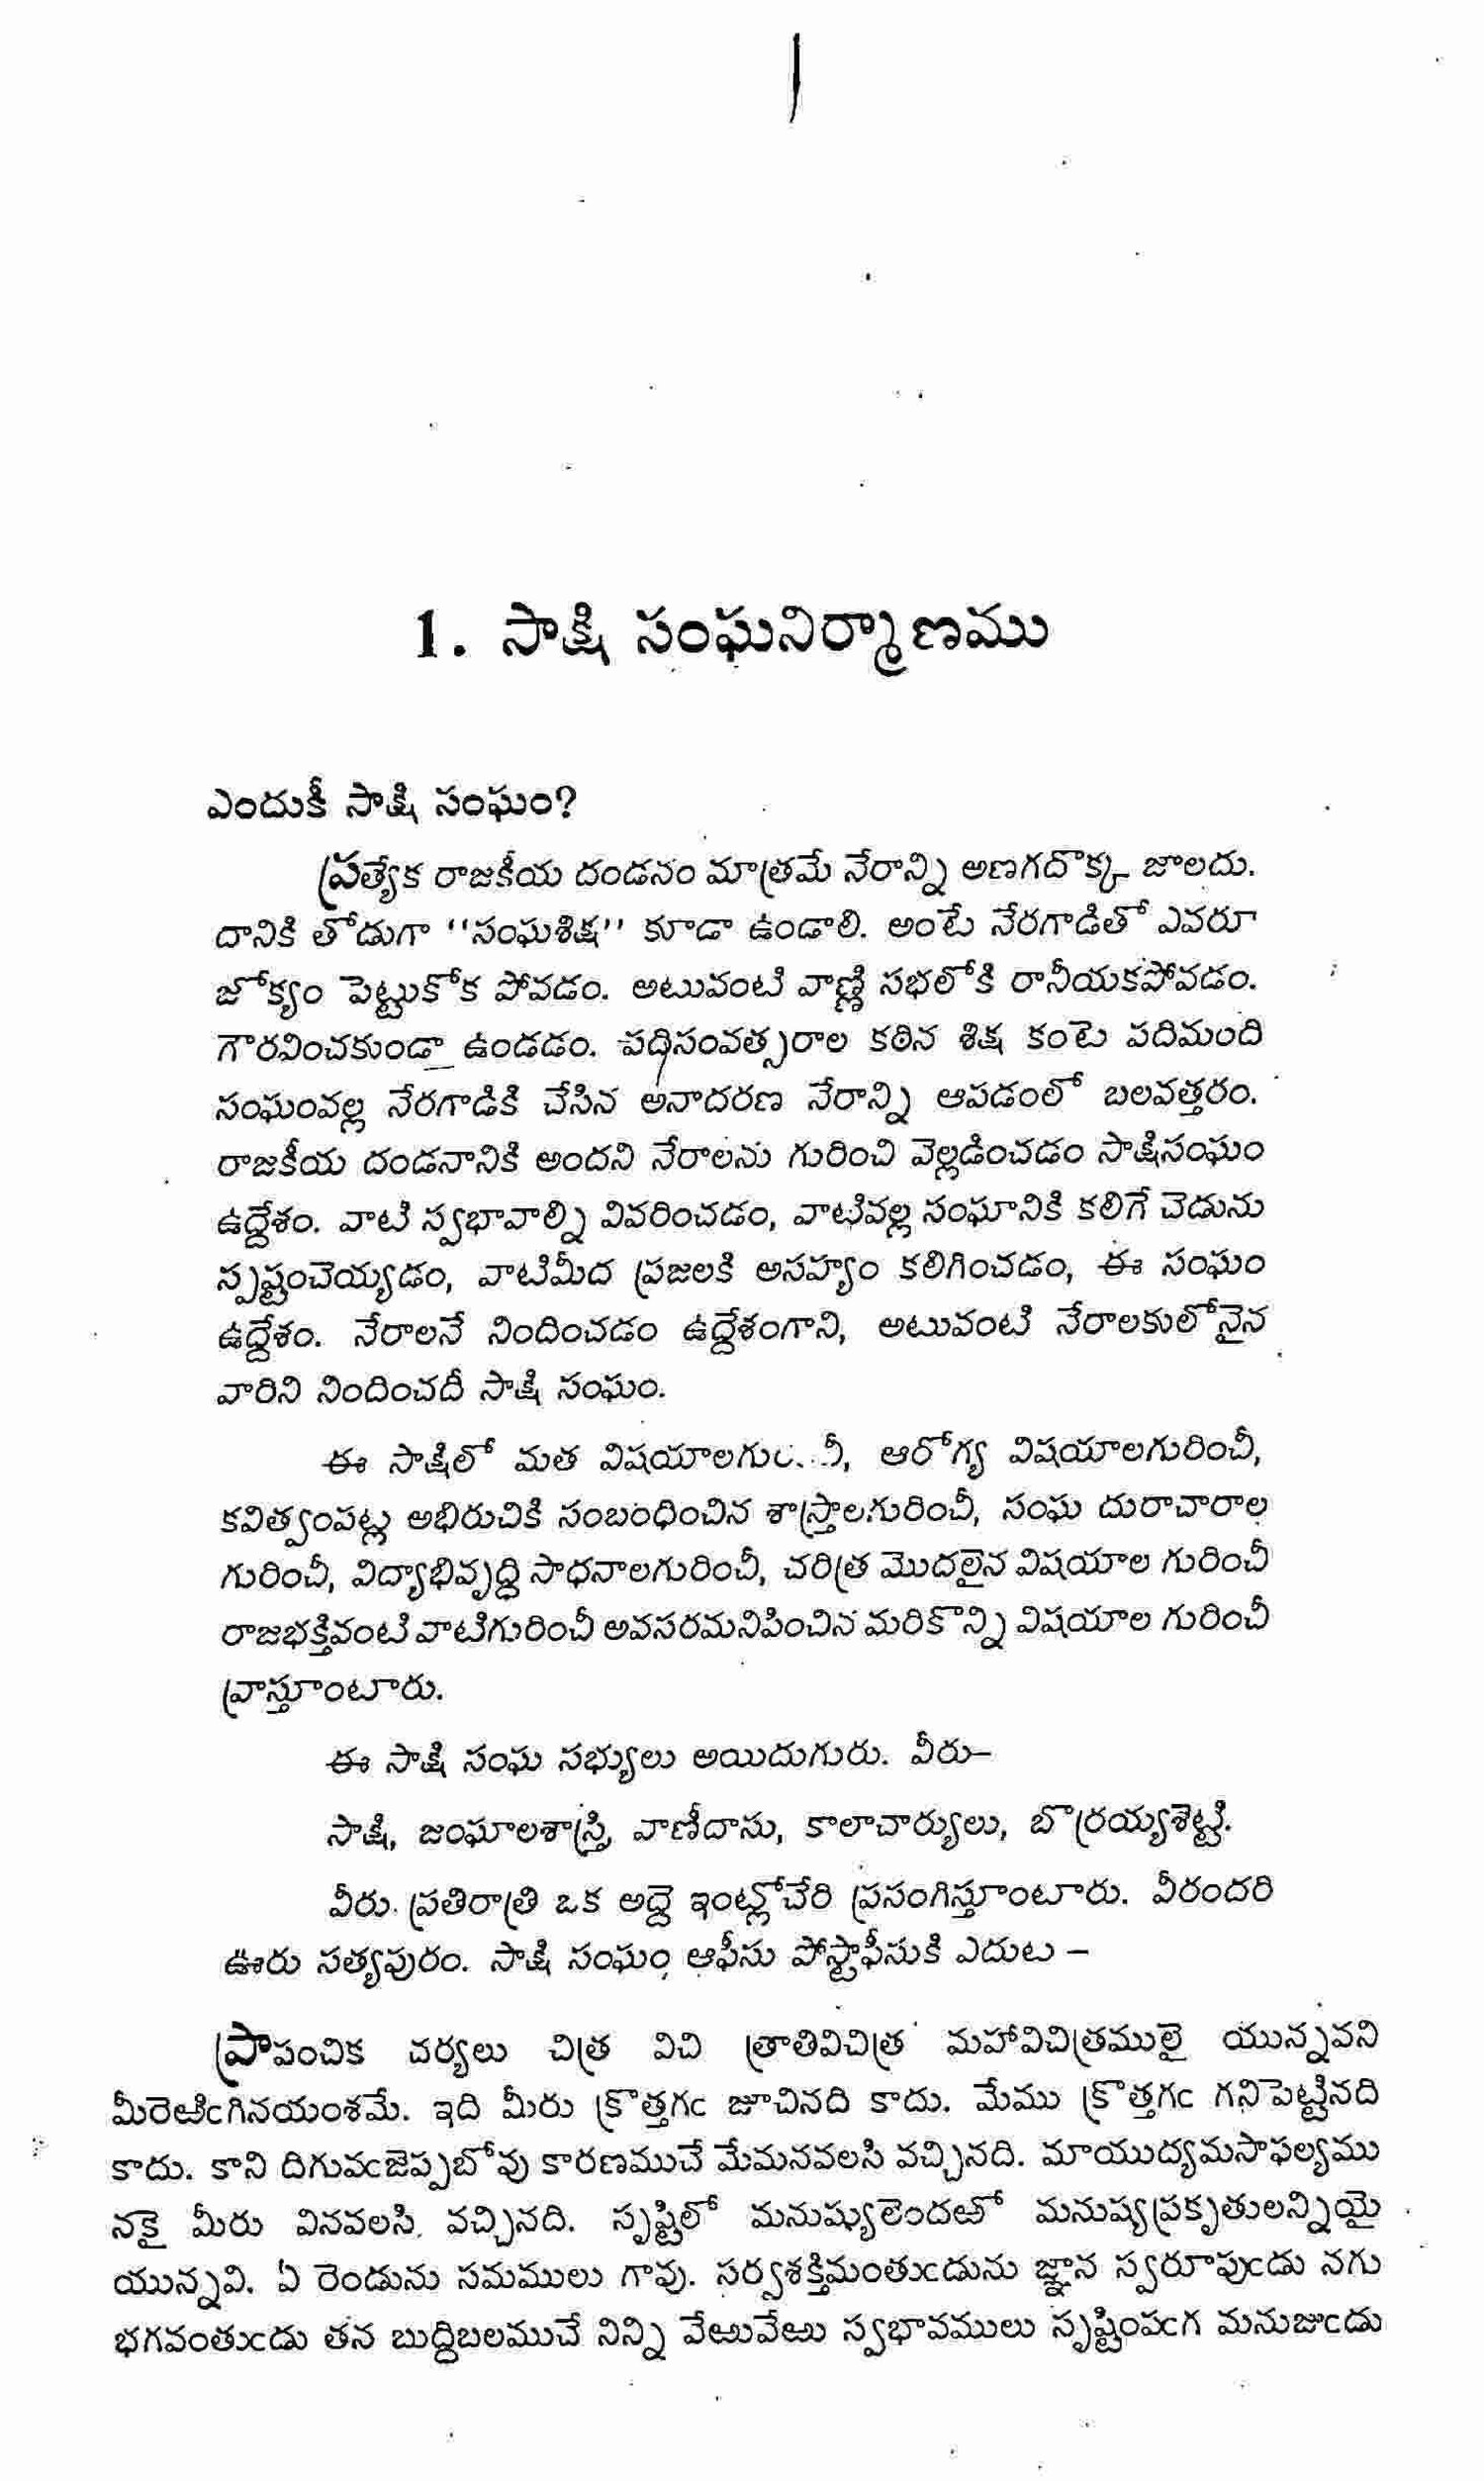1. సాక్షి సంఘనిర్మాణము

ఎందుకీ సాక్షి సంఘం?

ప్రత్యేక రాజకీయ దండనం మాత్రమే నేరాన్ని అణగదొక్క జాలదు. దానికి తోడుగా "సంఘశిక్ష " కూడా ఉండాలి. అంటే నేరగాడితో ఎవరూ జోక్యం పెట్టుకోక పోవడం. అటువంటి వాణ్ణి సభలోకి రానీయకపోవడం. గౌరవించకుండా ఉండడం. పదిసంవత్సరాల కఠిన శిక్ష కంటె పదిమంది
సంఘంవల్ల నేరగాడికి చేసిన అనాదరణ నేరాన్ని ఆపడంలో బలవత్తరం. రాజకీయ దండనానికి అందని నేరాలను గురించి వెల్లడించడం సాక్షిసంఘం ఉద్దేశం. వాటి స్వభావాల్ని వివరించడం, వాటివల్ల సంఘానికి కలిగే చెడును స్పష్టంచెయ్యడం, వాటిమీద ప్రజలకి అసహ్యం కలిగించడం, ఈ సంఘం ఉద్దేశం. నేరాలనే నిందించడం ఉద్దేశంగాని, అటువంటి నేరాలకులోనైన వారిని నిందించదీ సాక్షి సంఘం.

ఈ సాక్షిలో మత విషయాలగురించీ, ఆరోగ్య విషయాలగురించీ, కవిత్వంపట్ల అభిరుచికి సంబంధించిన శాస్త్రాలగురించీ, సంఘ దురాచారాల గురించీ, విద్యాభివృద్ధి సాధనాలగురించీ, చరిత్ర మొదలైన విషయాల గురించీ రాజభక్తివంటి వాటిగురించీ అవసరమనిపించిన మరికొన్ని విషయాల గురించీ
వ్రాస్తూంటారు.

ఈ సాక్షి సంఘ సభ్యులు అయిదుగురు. వీరు-

సాక్షి, జంఘాలశాస్త్రి, వాణీదాసు, కాలాచార్యులు, బొర్రయ్యశెట్టి.

వీరు. ప్రతిరాత్రి ఒక అద్దె ఇంట్లోచేరి ప్రసంగిస్తూంటారు. వీరందరి ఊరు సత్యపురం. సాక్షి సంఘం ఆఫీసు పోస్టాఫీసుకి ఎదుట -

ప్రాపంచిక చర్యలు చిత్ర విచి త్రాతివిచిత్ర మహావిచిత్రములై యున్నవని మీరెఱిఁగినయంశమే. ఇది మీరు క్రొత్తగఁ జూచినది కాదు. మేము క్రొత్తగఁ గనిపెట్టినది కాదు. కాని దిగువఁజెప్పబోవు కారణముచే మేమనవలసి వచ్చినది. మాయుద్యమసాఫల్యమునకై మీరు వినవలసి, వచ్చినది. సృష్టిలో మనుష్యులెందఱో మనుష్యప్రకృతులన్నియై యున్నవి. ఏ రెండును సమములు గావు. సర్వశక్తిమంతుఁడును జ్ఞాన స్వరూపుఁడు నగు భగవంతుఁడు తన బుద్ధిబలముచే నిన్ని వేఱువేఱు స్వభావములు సృష్టింపఁగ మనుజుఁడు